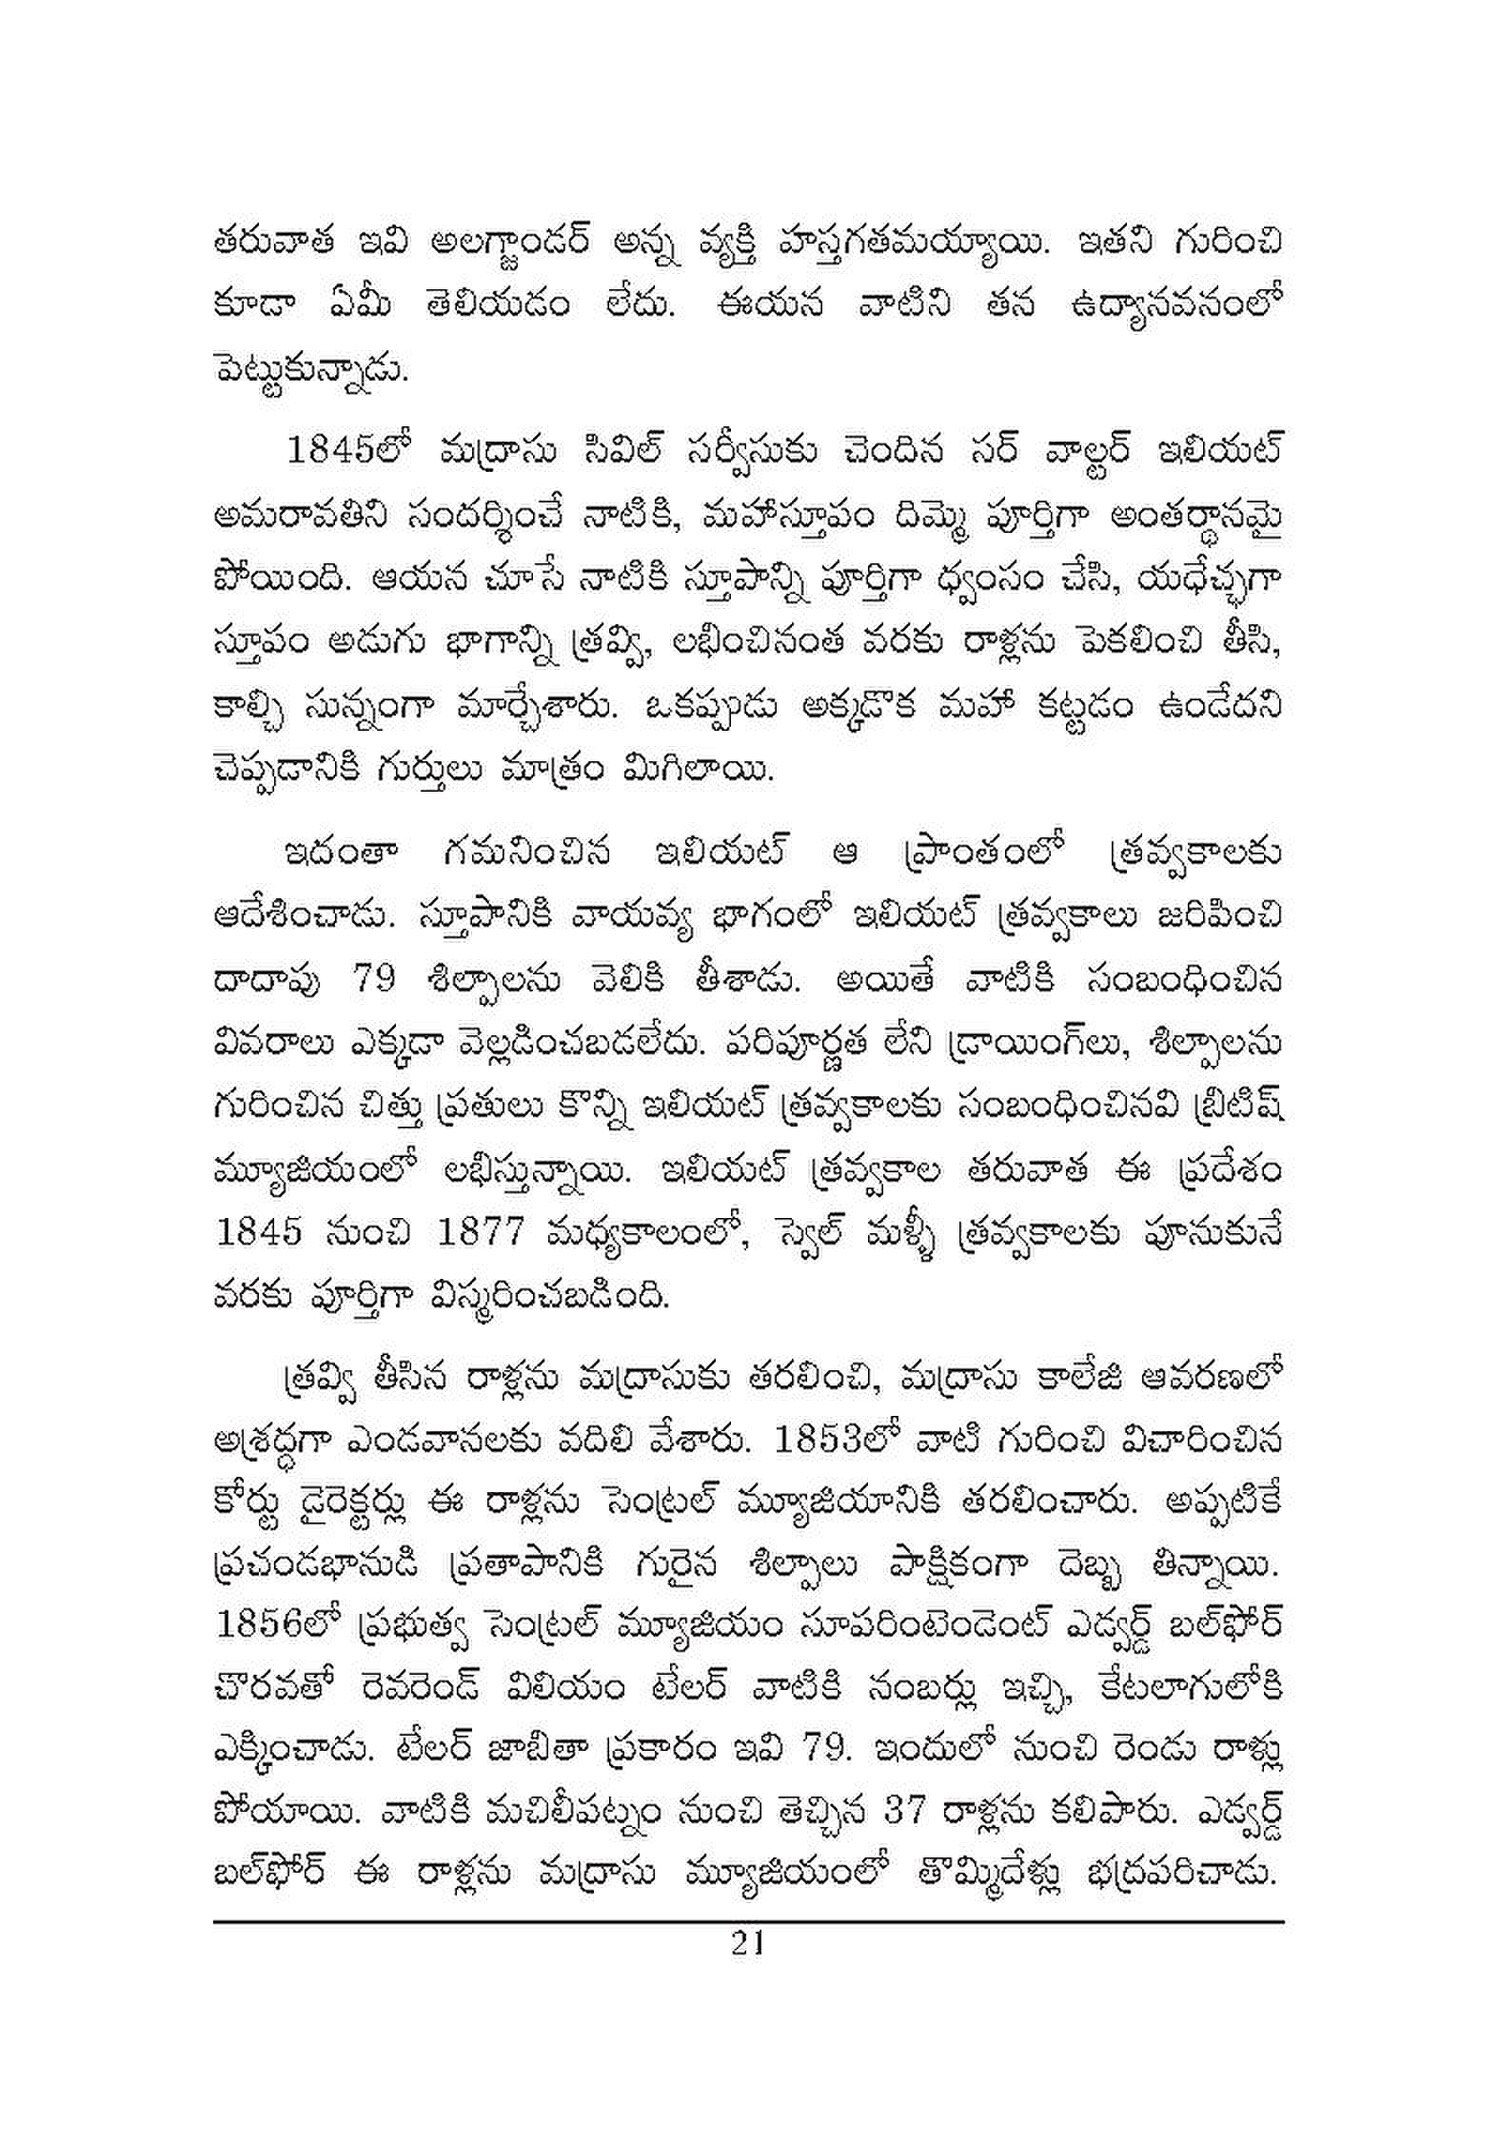తరువాత ఇవి అలగ్జాండర్ అన్న వ్యక్తి హస్తగతమయ్యాయి. ఇతని గురించి కూడా ఏమీ తెలియడం లేదు. ఈయన వాటిని తన ఉద్యానవనంలో పెట్టుకున్నాడు. 

1845లో మద్రాసు సివిల్ సర్వీసుకు చెందిన సర్ వాల్టర్ ఇలియట్ అమరావతిని సందర్శించే నాటికి, మహాస్తూపం దిమ్మె పూర్తిగా అంతర్ధానమై పోయింది. ఆయన చూసే నాటికి స్తూపాన్ని పూర్తిగా ధ్వంసం చేసి, యధేచ్ఛగా స్తూపం అడుగు భాగాన్ని త్రవ్వి, లభించినంత వరకు రాళ్లను పెకలించి తీసి, కాల్చి సున్నంగా మార్చేశారు. ఒకప్పడు అక్కడొక మహా కట్టడం ఉండేదని చెప్పడానికి గుర్తులు మాత్రం మిగిలాయి. 

ఇదంతా గమనించిన ఇలియట్ ఆ ప్రాంతంలో త్రవ్వకాలకు ఆదేశించాడు. స్తూపానికి వాయవ్య భాగంలో ఇలియట్ త్రవ్వకాలు జరిపించి దాదాపు 79 శిల్పాలను వెలికి తీశాడు. అయితే వాటికి సంబంధించిన వివరాలు ఎక్కడా వెల్లడించబడలేదు. పరిపూర్ణత లేని డ్రాయింగ్‌లు,శిల్పాలను గురించిన చిత్తు ప్రతులు కొన్ని ఇలియట్ త్రవ్వకాలకు సంబంధించినవి బ్రిటిష్ మ్యూజియంలో లభిస్తున్నాయి. ఇలియట్ త్రవ్వకాల తరువాత ఈ ప్రదేశం 1845 నుంచి 1877 మధ్యకాలంలో, స్వెల్ మళ్ళీ త్రవ్వకాలకు పూనుకునే వరకు పూర్తిగా విస్మరించబడింది. 

త్రవ్వి తీసిన రాళ్లను మద్రాసుకు తరలించి, మద్రాసు కాలేజి ఆవరణలో అశ్రద్ధగా ఎండవానలకు వదిలి వేశారు. 1858లో వాటి గురించి విచారించిన కోర్టు డైరెక్టర్లు ఈ రాళ్లను సెంట్రల్ మ్యూజియానికి తరలించారు. అప్పటికే ప్రచండభానుడి ప్రతాపానికి గురైన శిల్పాలు పాక్షికంగా దెబ్బ తిన్నాయి. 1856లో ప్రభుత్వ సెంట్రల్ మ్యూజియం సూపరింటెండెంట్ ఎడ్వర్డ్ బల్ఫోర్ చొరవతో రెవరెండ్ విలియం టేలర్ వాటికి నంబర్లు ఇచ్చి కేటలాగులోకి ఎక్కించాడు. టేలర్ జాబితా ప్రకారం ఇవి 79. ఇందులో నుంచి రెండు రాళ్లు పోయాయి. వాటికి మచిలీపట్నం నుంచి తెచ్చిన 37 రాళ్లను కలిపారు. ఏడ్వర్డ్ బల్‌ఫోర్ ఈ రాళ్లను మద్రాసు మ్యూజియంలో తొమ్మిదేళ్లు భద్రపరిచాడు.